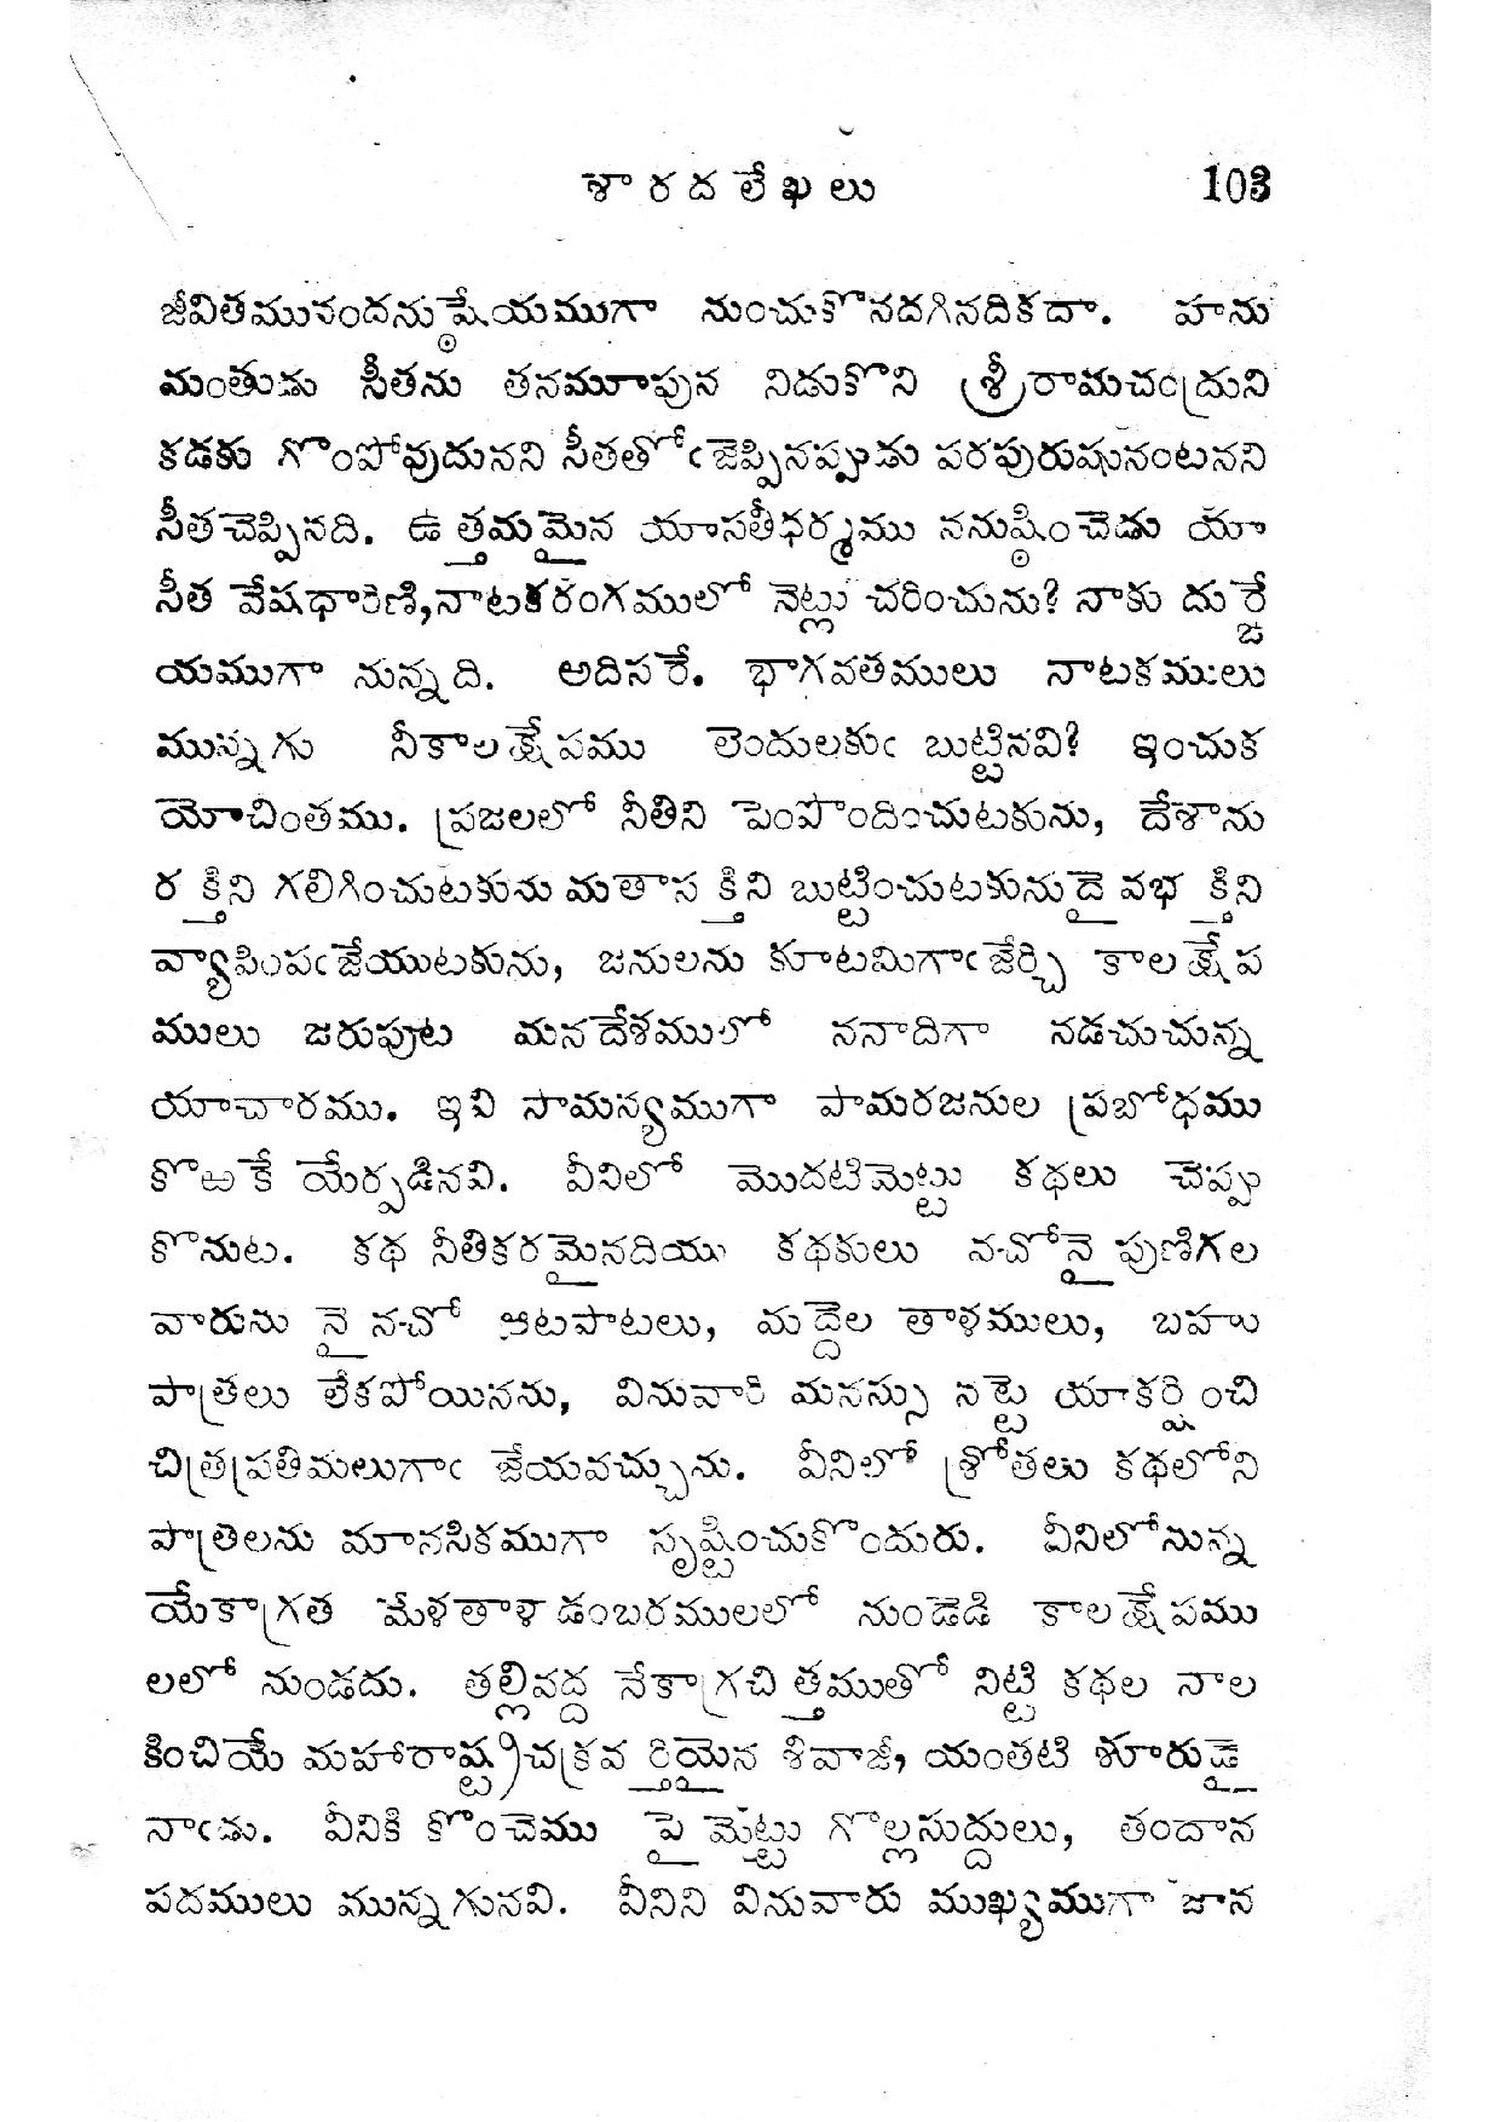జీవితమునందనుష్ఠేయముగా నుంచుకొనదగినదికదా. హనుమంతుడు సీతను తనమూపున నిడుకొని శ్రీరామచంద్రుని కడకు గొంపోవుదునని సీతతోఁజెప్పినప్పుడు పరపురుషునంటనని సీతచెప్పినది. ఉత్తమమైన యాసతీధర్మము ననుష్ఠించెడు యా సీత వేషధారిణి, నాటకరంగములో నెట్లు చరించును? నాకు దుర్జేయముగా నున్నది. అదిసరే. భాగవతములు నాటకములు మున్నగు నీకాలక్షేపము లెందులకుఁ బుట్టినవి? ఇంచుక యోచింతము. ప్రజలలో నీతిని పెంపొందించుటకును, దేశానురక్తిని గలిగించుటకును మతాసక్తిని బుట్టించుటకును దైవభక్తిని వ్యాపింపఁజేయుటకును, జనులను కూటమిగాఁజేర్చి కాలక్షేపములు జరుపుట మనదేశములో ననాదిగా నడచుచున్న యాచారము. ఇవి సామన్యముగా పామరజనుల ప్రబోధము కొఱకే యేర్పడినవి. వీనిలో మొదటిమెట్టు కథలు చెప్పుకొనుట. కథ నీతికరమైనదియు కథకులు వచోనైపుణిగలవారును నైనచో ఆటపాటలు, మద్దెల తాళములు, బహుపాత్రలు లేకపోయినను, వినువారి మనస్సు నట్టె యాకర్షించి చిత్రప్రతిమలుగాఁ జేయవచ్చును. వీనిలో శ్రోతలు కథలోని పాత్రలను మానసికముగా సృష్టించుకొందురు. వీనిలోనున్న యేకాగ్రత మేళతాళాడంబరములలో నుండెడి కాలక్షేపములలో నుండదు. తల్లివద్ద నేకాగ్రచిత్తముతో నిట్టి కథల నాలకించియే మహారాష్ట్రచక్రవర్తియైన శివాజీ, యంతటి శూరుడైనాఁడు. వీనికి కొంచెము పైమెట్టు గొల్లసుద్దులు, తందాన పదములు మున్నగునవి. వీనిని వినువారు ముఖ్యముగా జాన